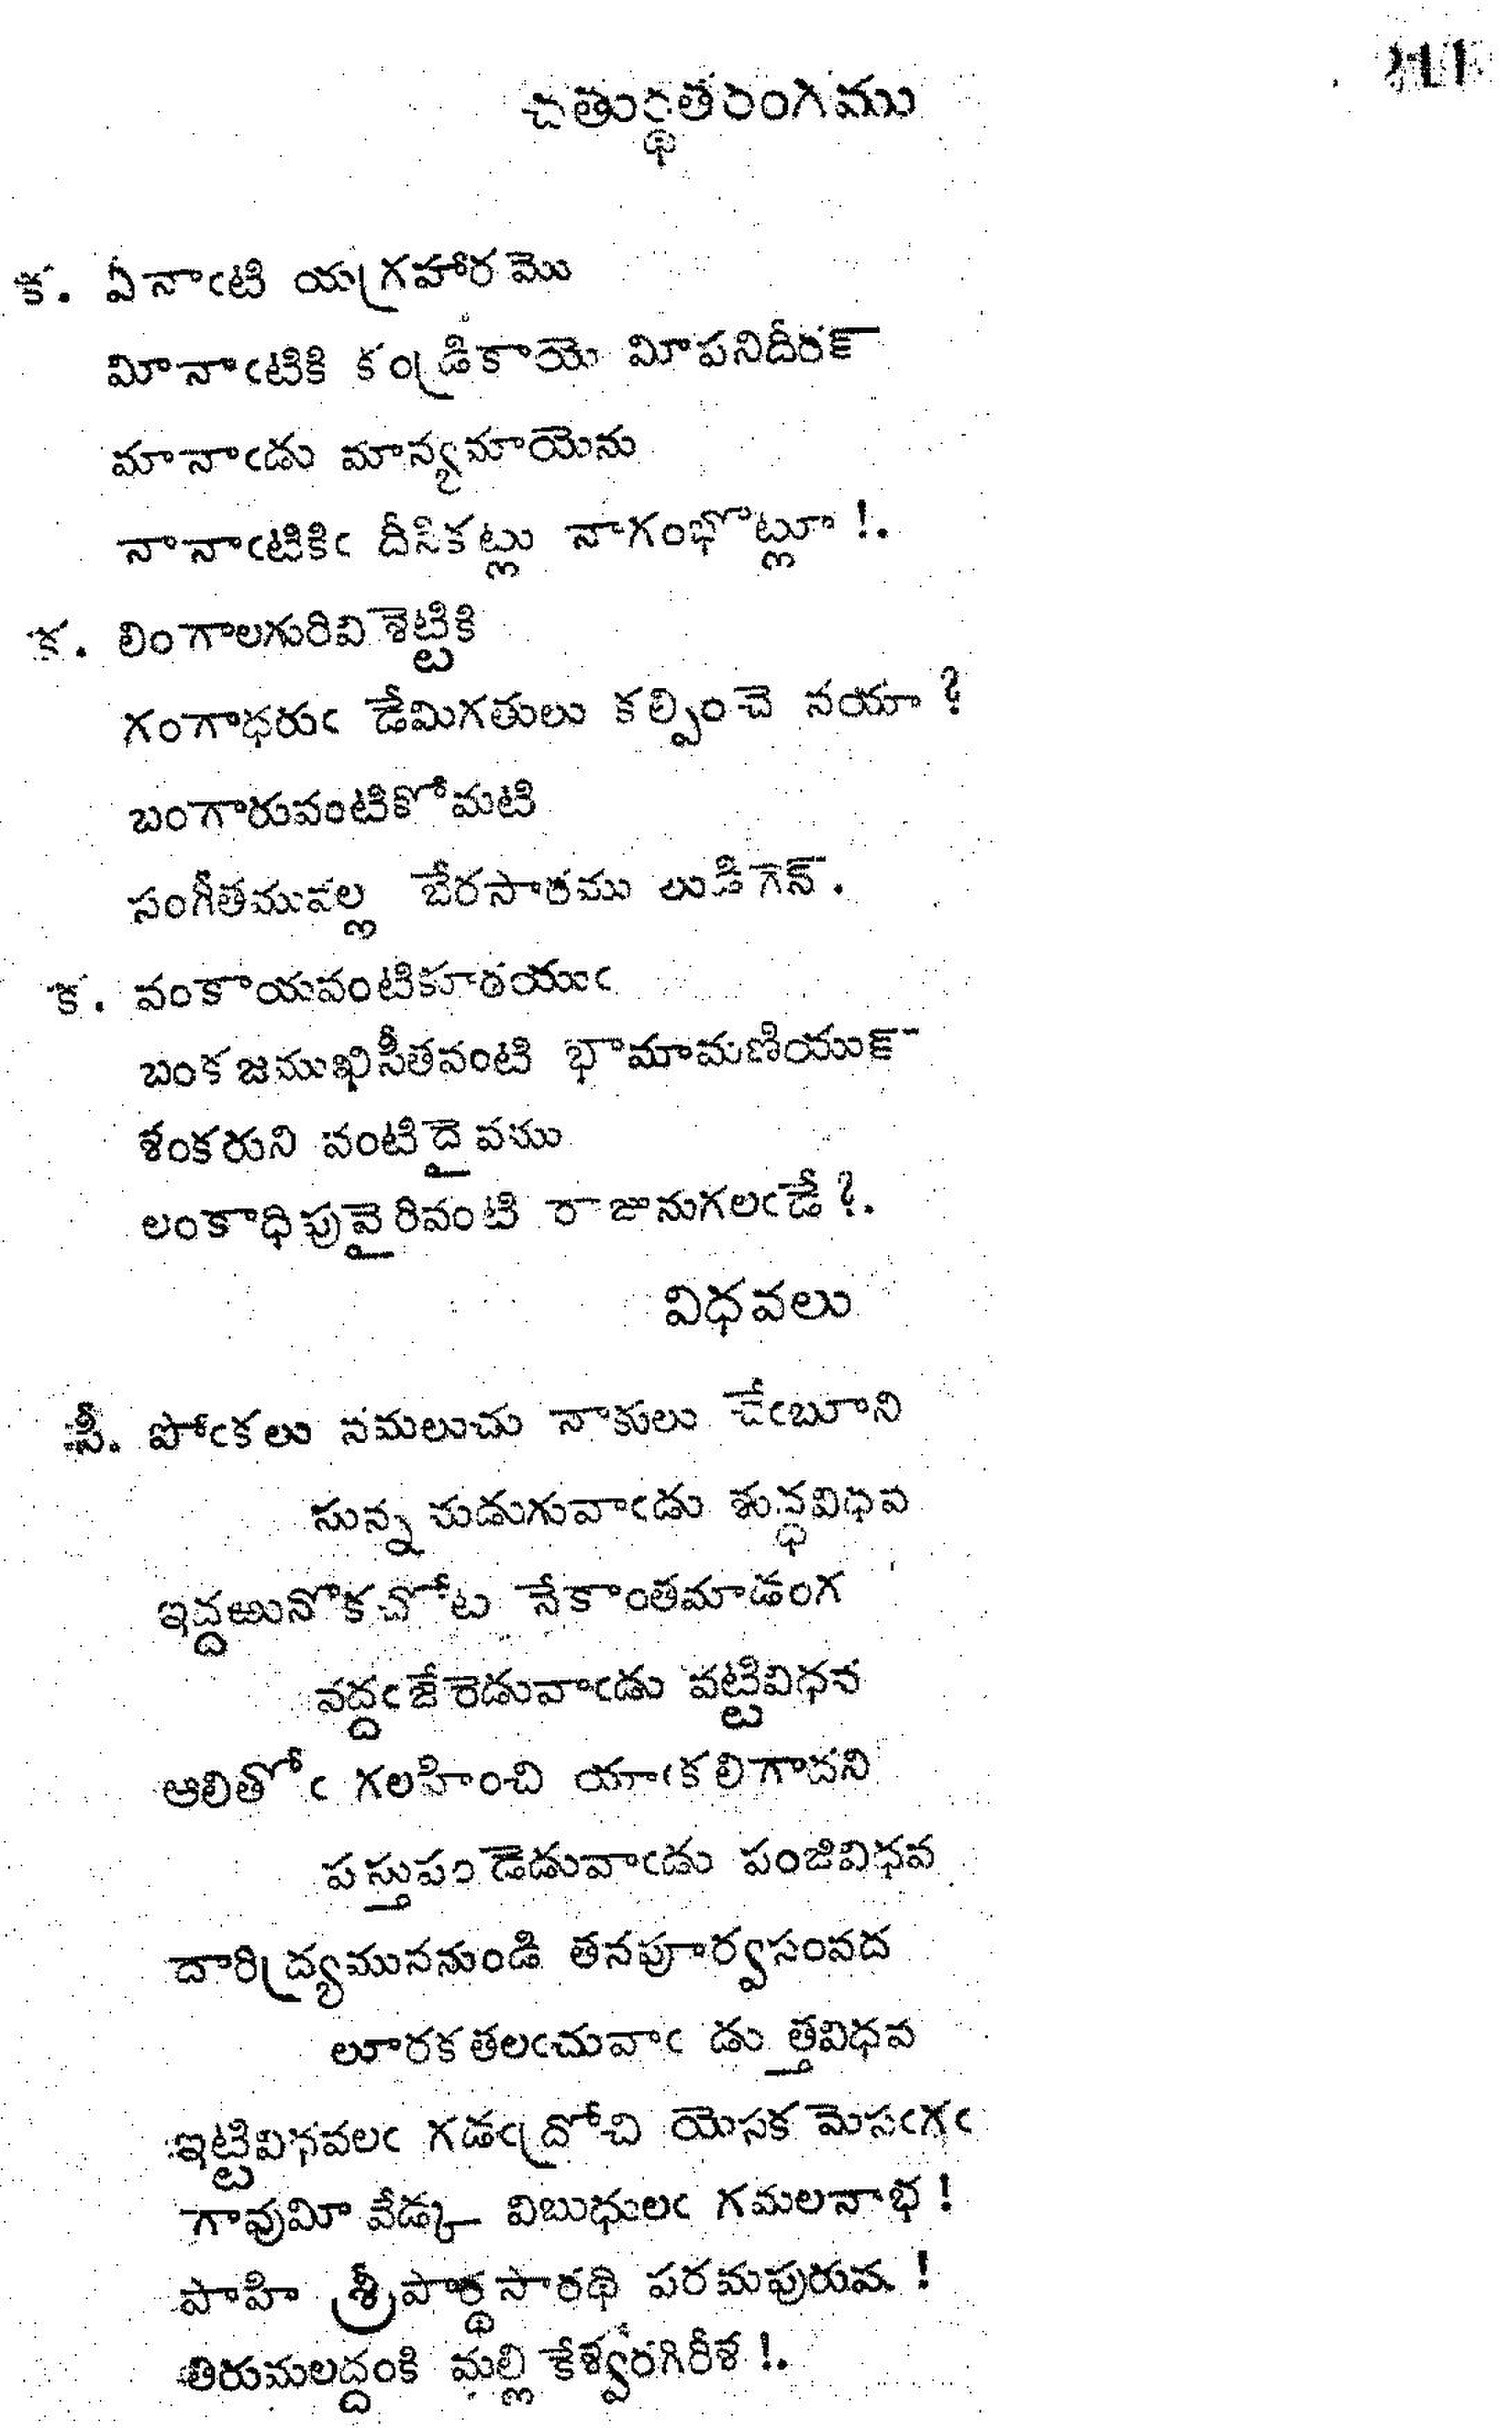క. ఏనాఁటి యగ్రహారమొ
 మీనాఁటికి కండ్రికాయె మీపనిదీరన్
 మానాఁడు మాన్యమాయెను
 నానాఁటికిఁ దీసికట్లు నాగంభొట్లూ!

క. లింగాలగురివిశెట్టికి
 గంగాధరుఁ డేమిగతులు కల్పించెనయా?
 బంగారువంటి కోమటి
 సంగీతమువల్ల బేరసారము లుడిగెన్.

క. వంకాయవంటి కూరయుఁ
 బంకజముఖి సీతవంటి భామామణియున్
 శంకరునివంటి దైవము
 లంకాధిపువైరివంటి రాజును గలఁడే?

సీ. పోఁకలు నమలుచు నాకులు చేఁబూని
 సున్న మడుగువాఁడు శుద్ధవిధవ
 ఇద్దఱు నొకచోట నేకాంతమాడంగ
 వద్దఁ జేరెడువాఁడు వట్టివిధవ
 ఆలితోఁ గలహించి యాఁకలి గాదని
 పస్తుపండెడువాఁడు పంజివిధవ
 దారిద్ర్యములనుండి తనపూర్వసంపద
 లూరకతలఁచువాఁ డుత్తవిధవ
 ఇట్టివిధవలఁ గడఁద్రోచి యెసకమెసఁగఁ
 గావుమీ వేడ్క విబుధులఁ గమలనాభ!
 పాహి శ్రీపార్థసారథి! పరమపురుష!
 తిరుమలద్దంకి మల్లికేశ్వరగిరీశ!